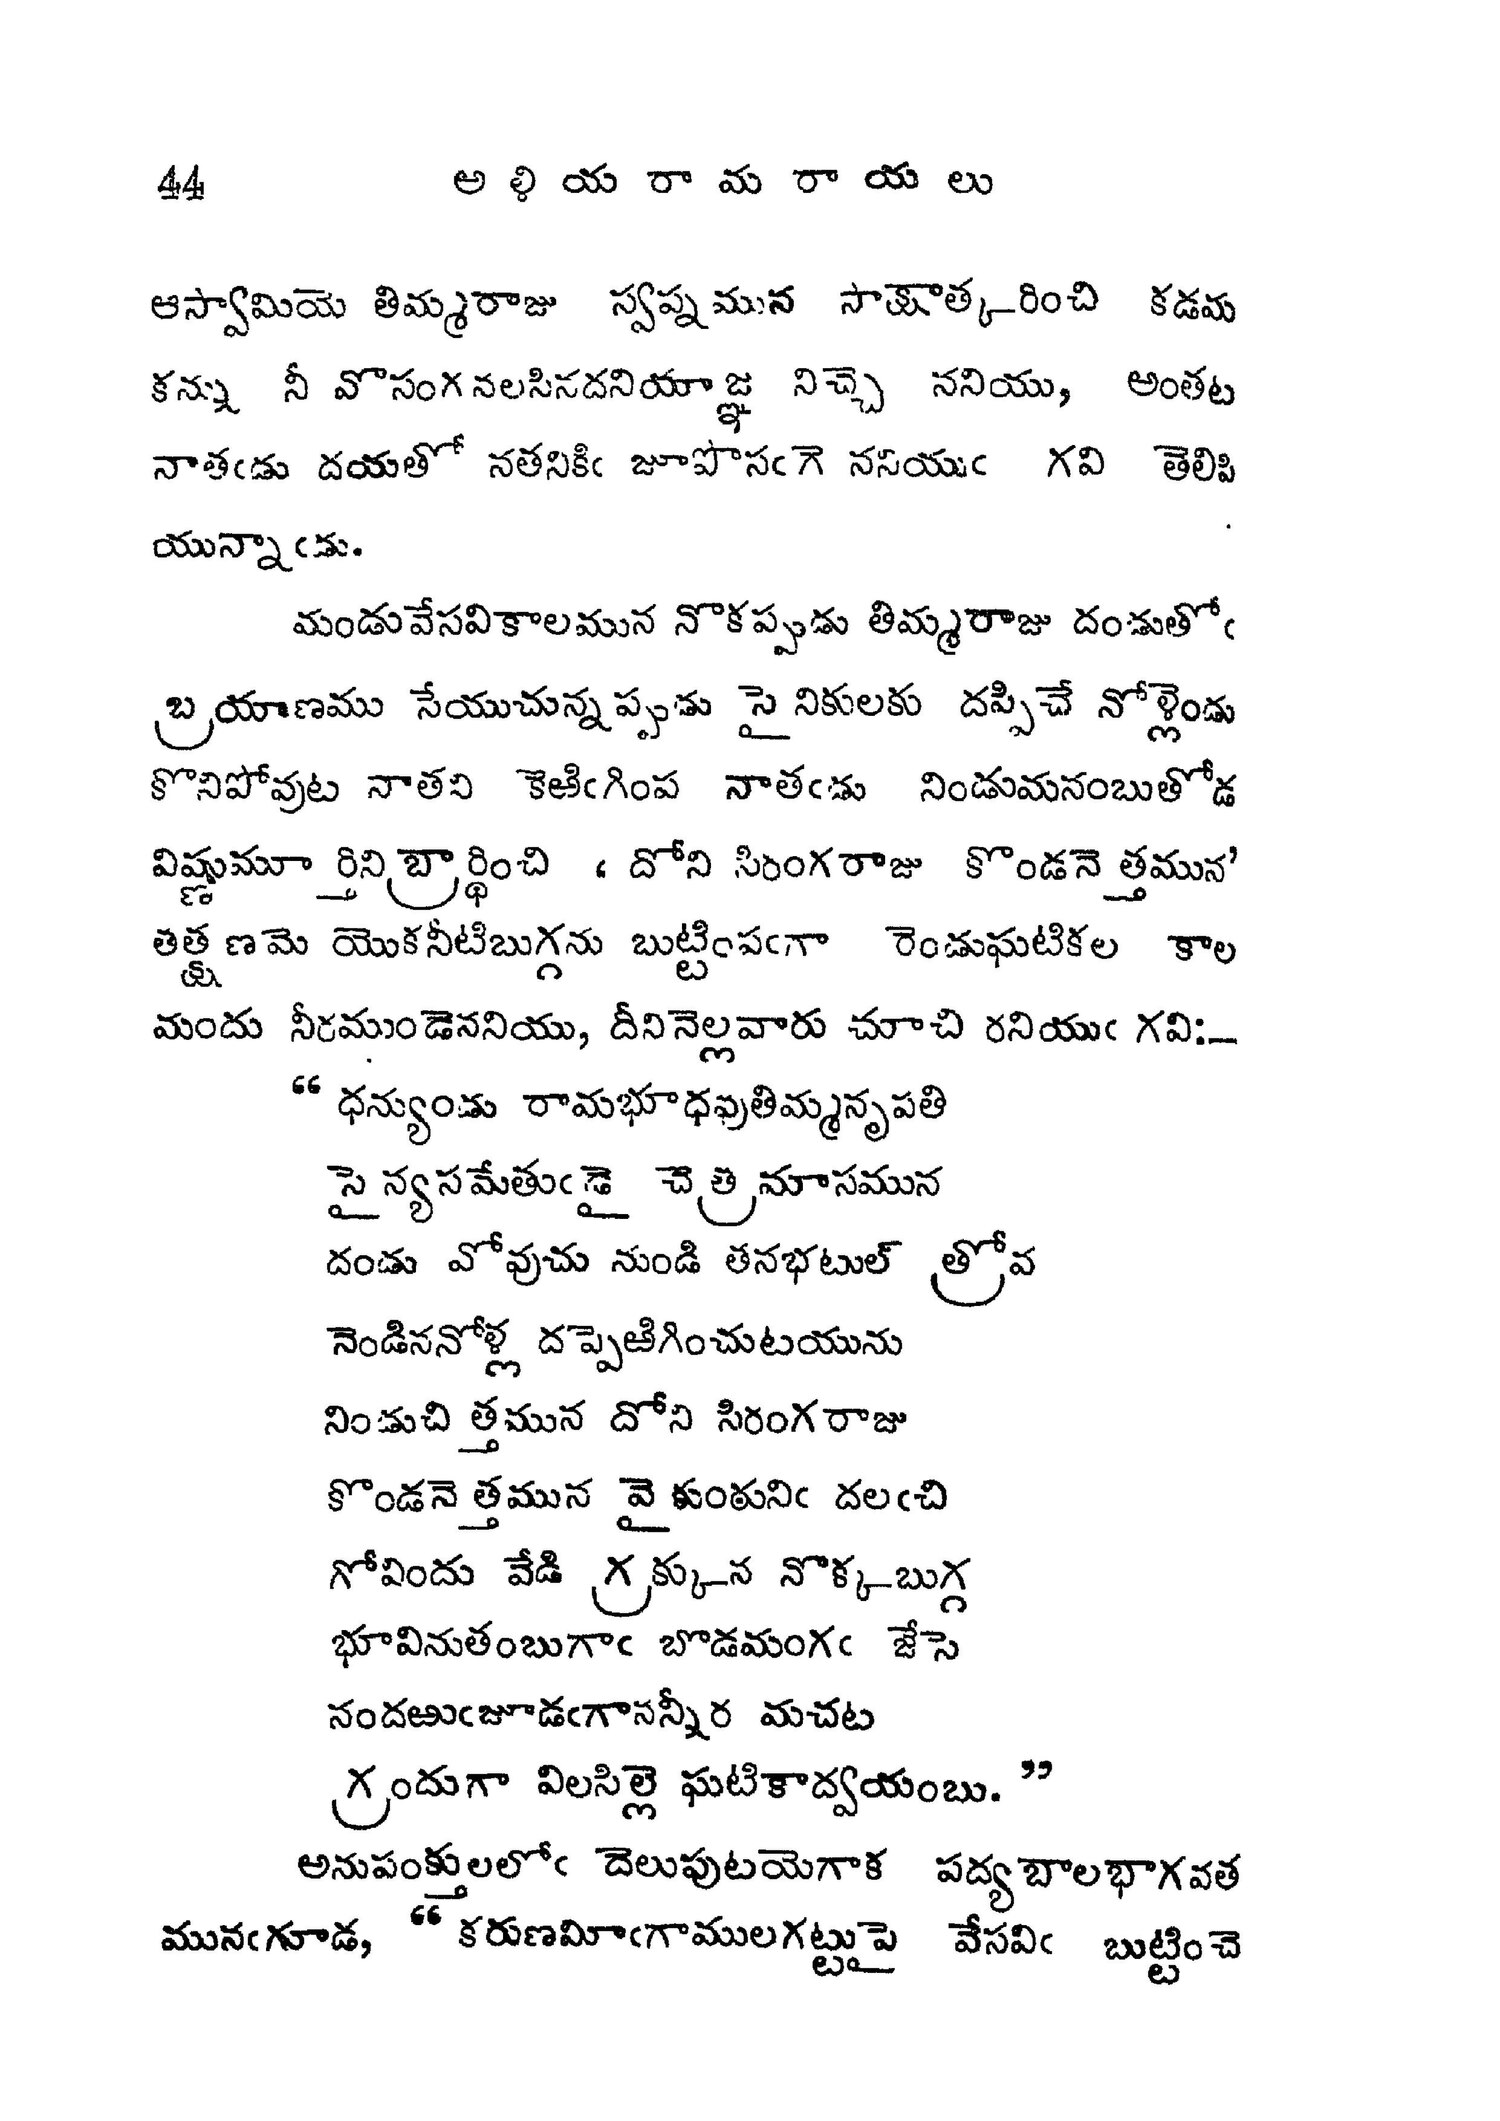ఆస్వామియె తిమ్మరాజు స్వప్నమున సాక్షాత్కరించి కడమకన్ను నీ వొసంగవలసినదనియాజ్ఞ నిచ్చె ననియు, అంతట నాతడు దయతో నతనికి జూపొసగె ననియు గని తెలిపియున్నాడు.

మండువేసవికాలమున నొకప్పుడు తిమ్మరాజు దండుతో బ్రయాణము సేయుచున్నప్పుడు సైనికులకు దప్పిచే నోళ్లెండుకొనిపోవుట నాతని కెఱిగింప నాతడు నిండుమనంబుతోడ విష్ణుమూర్తినిబ్రార్థించి 'దోని సిరంగరాజు కొండనెత్తమున' తక్షణమె యొకనీటిబుగ్గను బుట్టింపగా రెండుఘటికల కాలమందు నీరముండెననియు, దీనినెల్లవారు చూచి రనియు గవి:-

 "ధన్యుండు రామభూధవుతిమ్మనృపతి
 సైన్యసమేతుడై చెత్రమాసమున
 దండు వోవుచు నుండి తనభటుల్ త్రోవ
 నెండిననోళ్ల దప్పెఱిగించుటయును
 నిండుచిత్తమున దోని సిరంగరాజు
 కొండనెత్తమున వైకుంఠుని దలచి
 గోవిందు వేడి గ్రక్కున నొక్కబుగ్గ
 భూవినుతంబుగా బొడమంగ జేసె
 నందఱుజూడగానన్నీర మచట
 గ్రందుగా విలసిల్లె ఘటికాద్వయంబు."

అనుపంక్తులలో దెలుపుటయెగాక పద్యబాలభాగవతమునగూడ, "కరుణమీగాములగట్టుపై వేసవి బుట్టించె